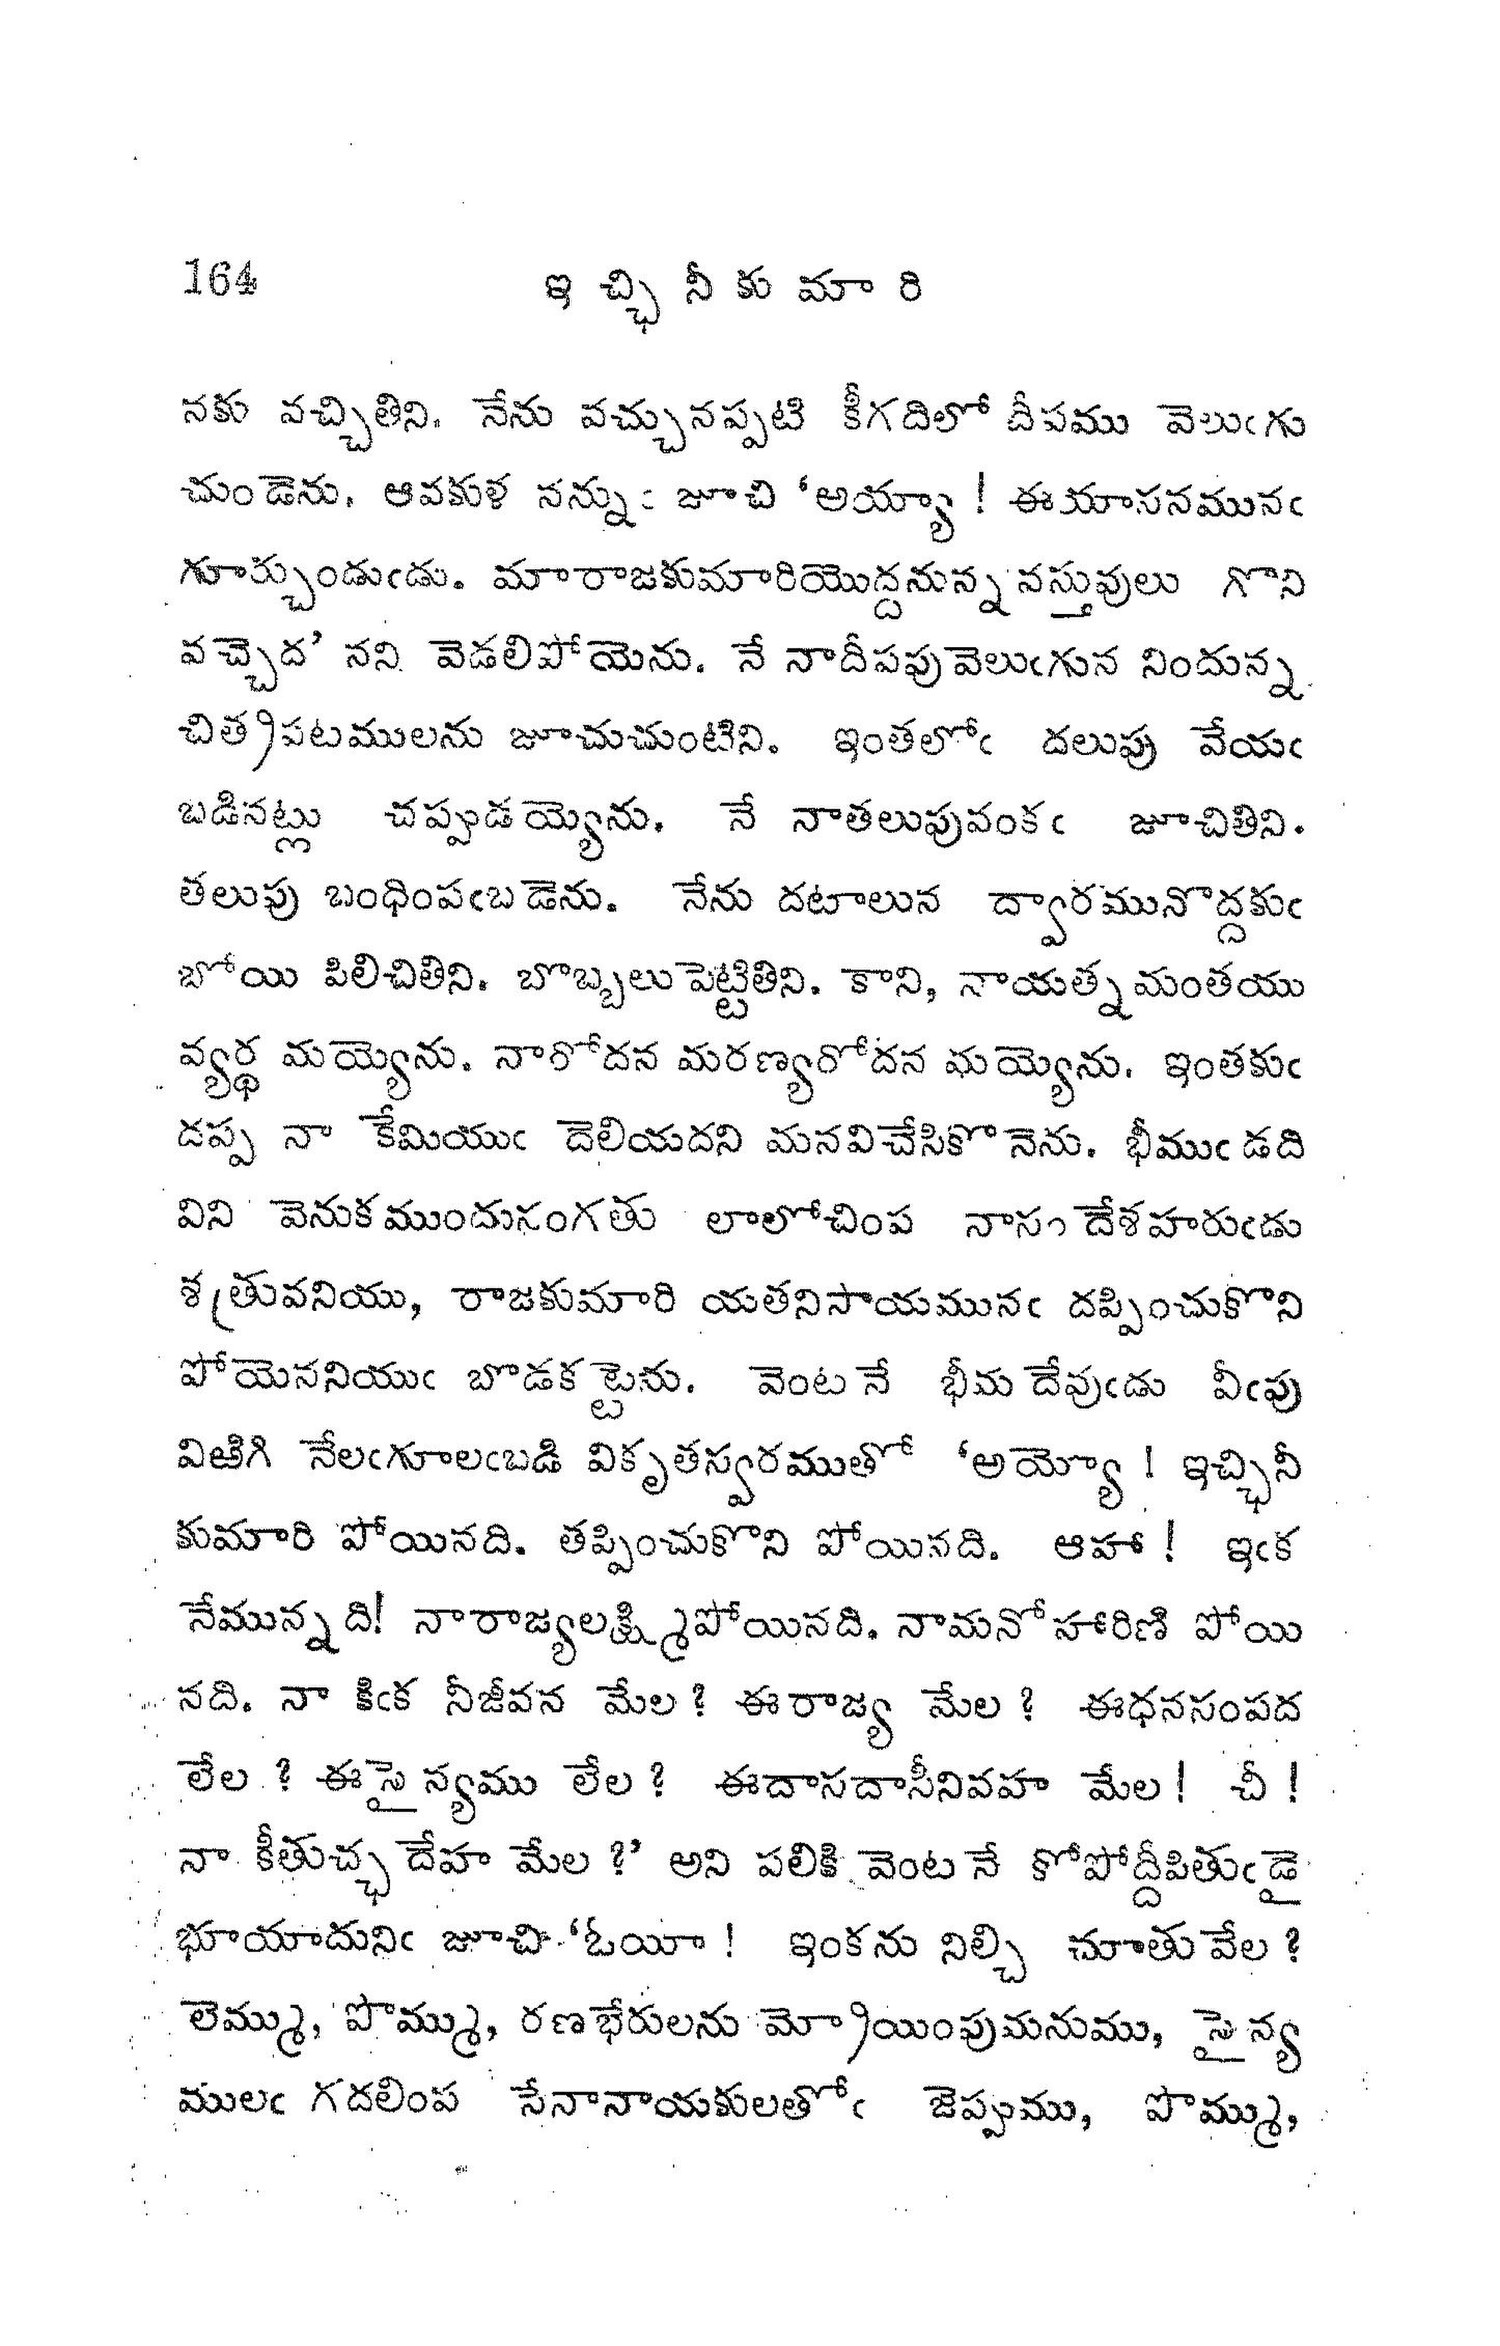నకు వచ్చితిని. నేను వచ్చునప్పటి కీగదిలో దీపము వెలుఁగు
చుండెను. ఆవకుళ నన్ను : జూచి 'అయ్యా ! ఈయాసనమునఁ
గూర్చుండుఁడు. మారాజకుమారి యొద్దనున్న వస్తువులు గొని
వచ్చెద' నని. వెడలిపోయెను. నే నాదీపపు వెలుఁగున నిందున్న
చిత్రపటములను జూచుచుంటిని. ఇంతలోఁ దలుపు వేయఁ
బడినట్లు చప్పుడయ్యెను. నే నాతలుపువంకఁ జూచితిని .
తలుపు బంధింపఁబడెను. నేను దటాలున ద్వారమునొద్దకు
బోయి పిలిచితిని. బొబ్బలు పెట్టితిని. కాని, నాయత్నమంతయు
వ్యర్థ మయ్యెను. నారోదన మరణ్యరోదన మయ్యెను. ఇంతకుఁ
దప్ప నా కేమియుఁ దెలియదని మనవిచేసికొనెను. భీముఁ డది
విని వెనుక ముందుసంగతు లాలోచింప నాసం దేశహరుఁడు
శత్రువనియు, రాజకుమారి యతనిసాయమునఁ దప్పించుకొని
పోయెననియుఁ బొడకట్టెను. వెంటనే భీమ దేవుఁడు వీఁపు
విఱిగి నేలఁగూలఁబడి వికృతస్వరముతో 'అయ్యో ! ఇచ్ఛినీ
కుమారి పోయినది. తప్పించుకొని పోయినది. ఆహా ! ఇంక
నేమున్నది! నారాజ్యలక్ష్మి పోయినది. నామనోహారిణి పోయి
నది. నా కిఁక నీజీవన మేల ? ఈ రాజ్య నేల ? ఈధనసంపద
లేల? ఈ సై న్యము
లేల ! ఈదాసదాసీనివహ మేల! చీ !
నాకీ తుచ్ఛ దేహ మేల ?' అని పలికి వెంట నే కోపోద్దీపితుఁడై
భూయాదునిఁ జూచి - 'ఓయీ ! ఇంకను నిల్చి చూతు వేల ?
లెమ్ము, పొమ్ము, రణ భేరులను మొయింపుమనుము, సైన్య
ములఁ గదలింప సేనానాయకులతోఁ జెప్పుము, పొమ్ము,